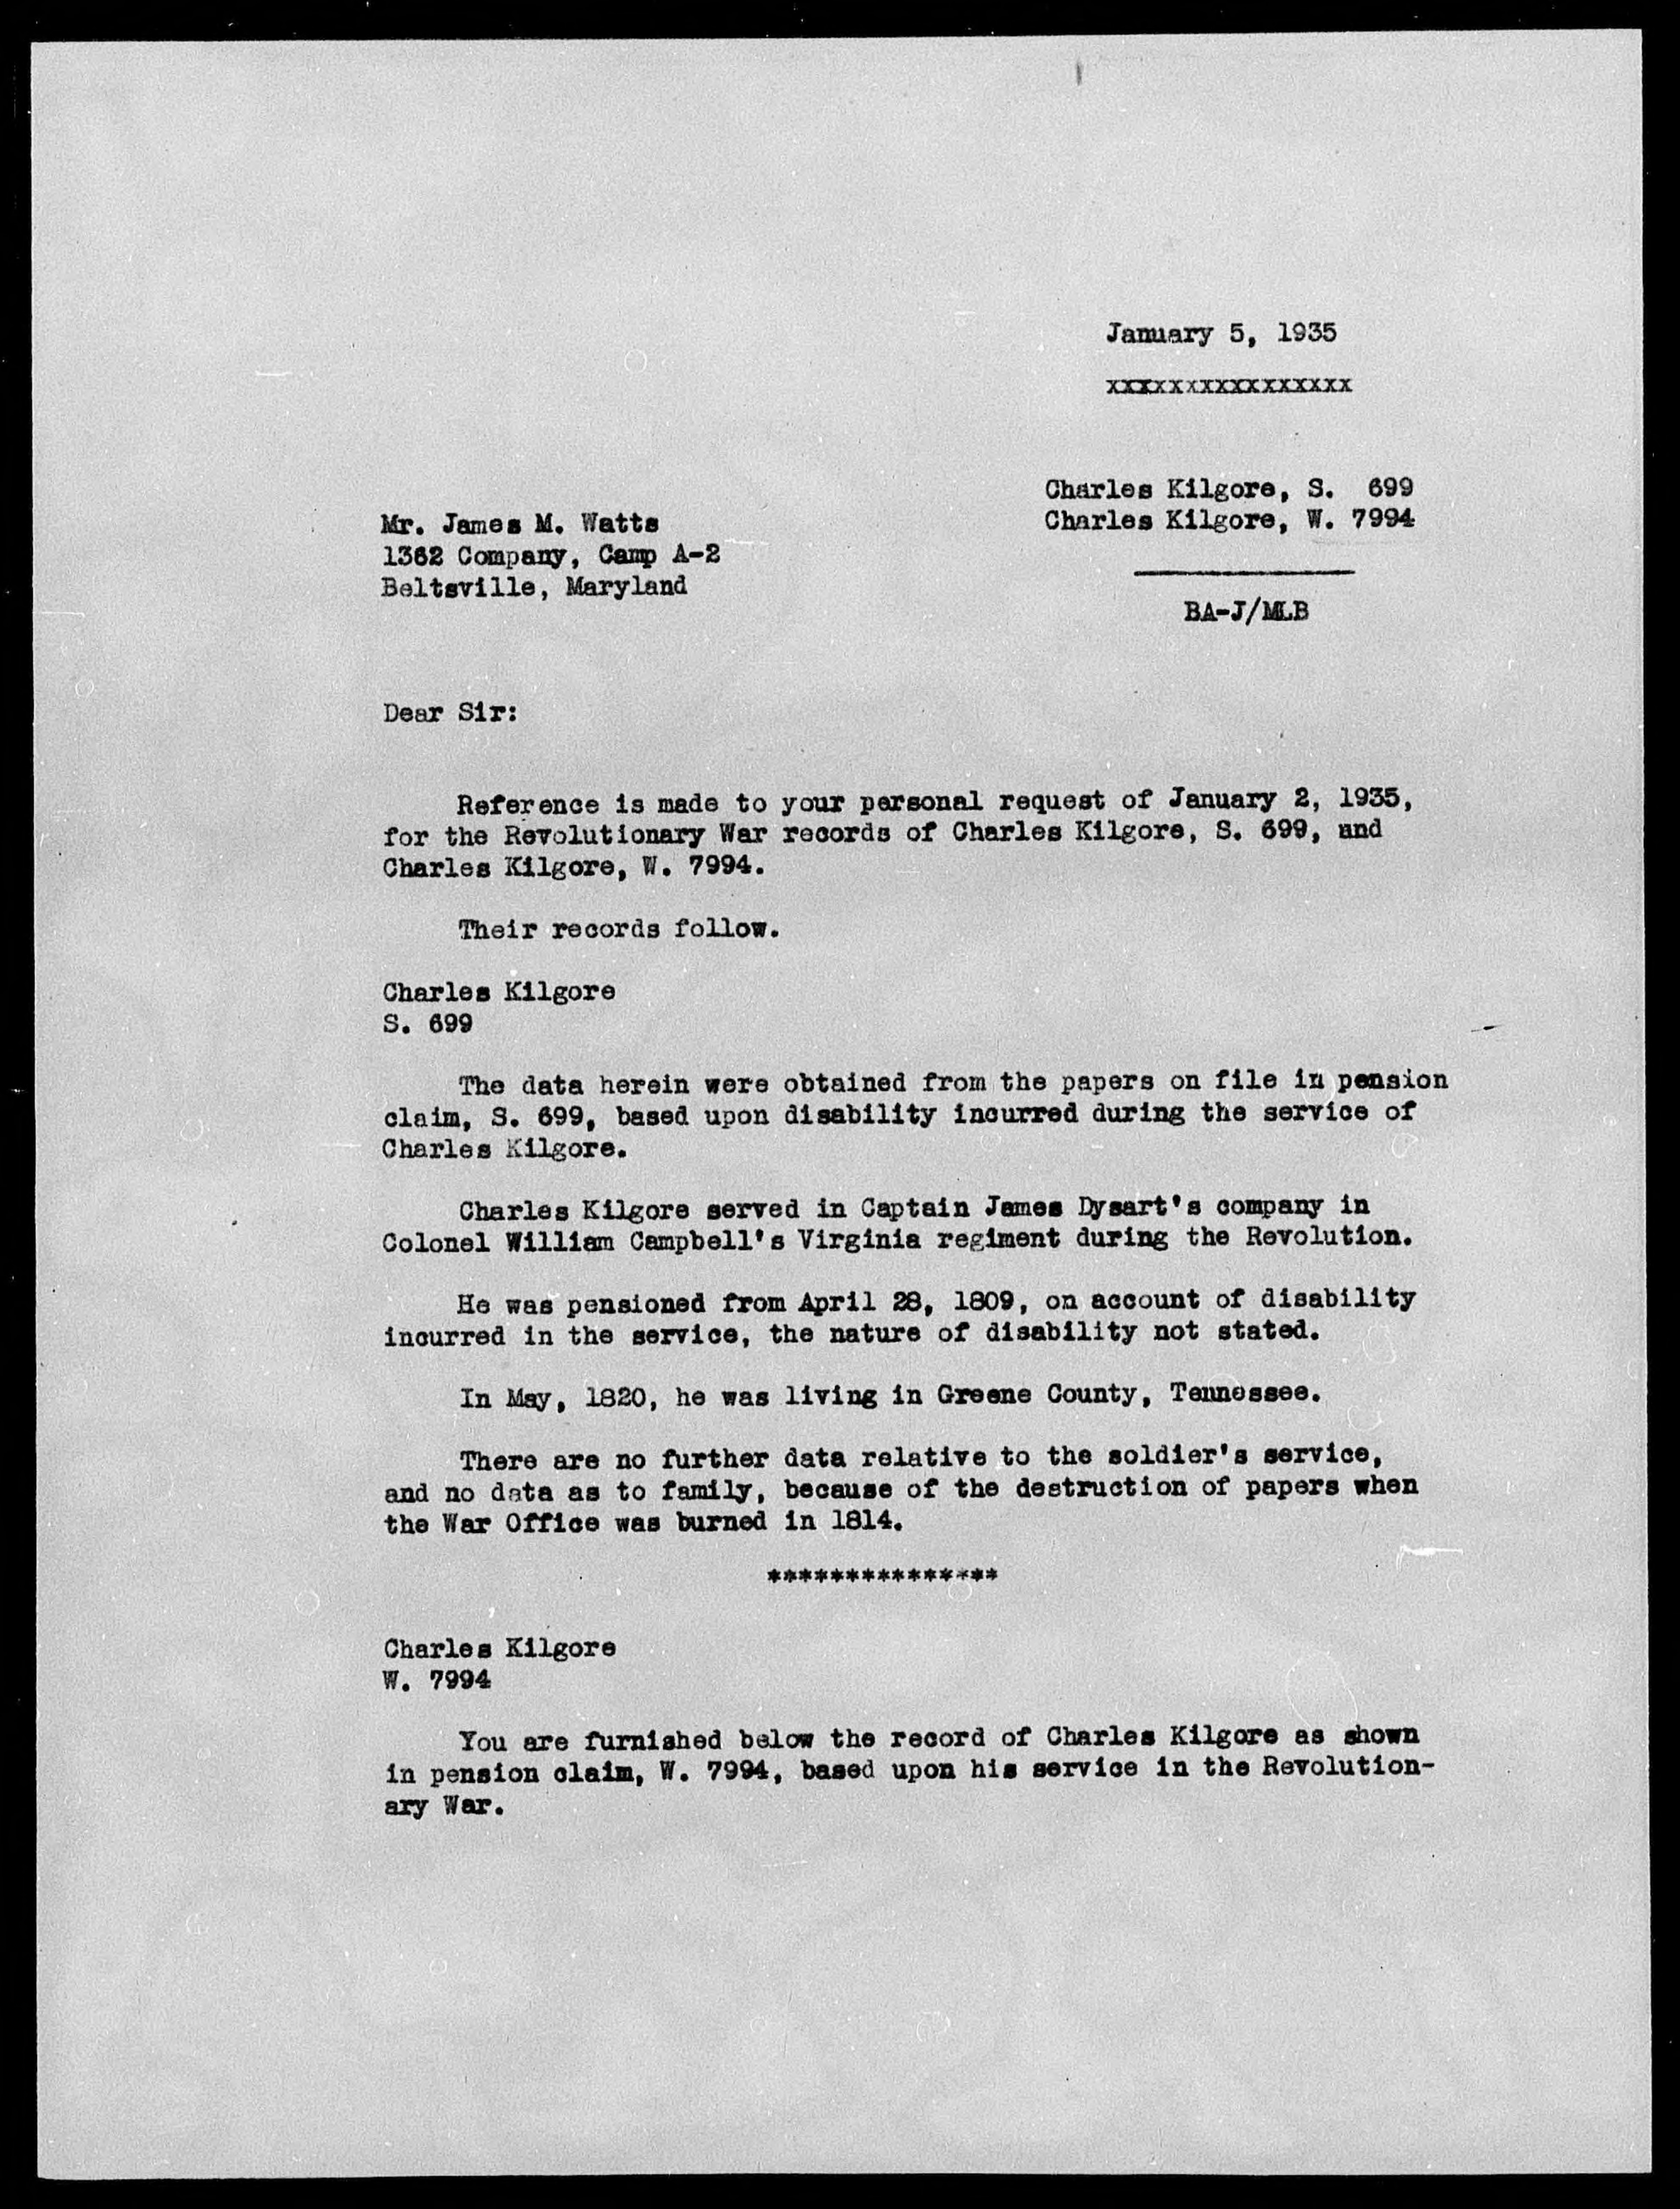Charles Kilgore, S. 699
Charles Kilgore, W. 7994
BA-J/MLB

Mr. James M. Watts
1362 Company, Camp A-2
Beltsville, Maryland

Dear Sir:
Reference is made ot your personal request of January 2, 1835, for the Revolutionary war records of Charles Kilgore, S. 699, and Charles Kilgore, W. 7994.
Their records follow.

Charles Kilgore
S. 699
The data herein were obtained from the papers on file in pension claim, S. 699, based upon disability incurred during the service of Charles Kilgore.
Charles Kilgore served in Captain James Dysart's company in Colonel William Campbell's Virginia regiment during the Revolution.
He was pensioned from April 28, 1809, on account of disability incurred in the service, the nature of disability not stated.
In May, 1820, he was living in Greene County, Tennessee.
There are no further data relative to the soldier's service, and no data as to family, because of the destruction of papers when the War Office was burned in 1814.

Charles Kilgore
W. 7994
You are furnished below the record of Charles Kilgore as shown in pension claim, W. 7994, based upon his service in the Revolutionary War.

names: James M Watts; Charles Kilgore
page: 8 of 115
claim: survivor's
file: S. 699, for Charles Kilgore, Virginia